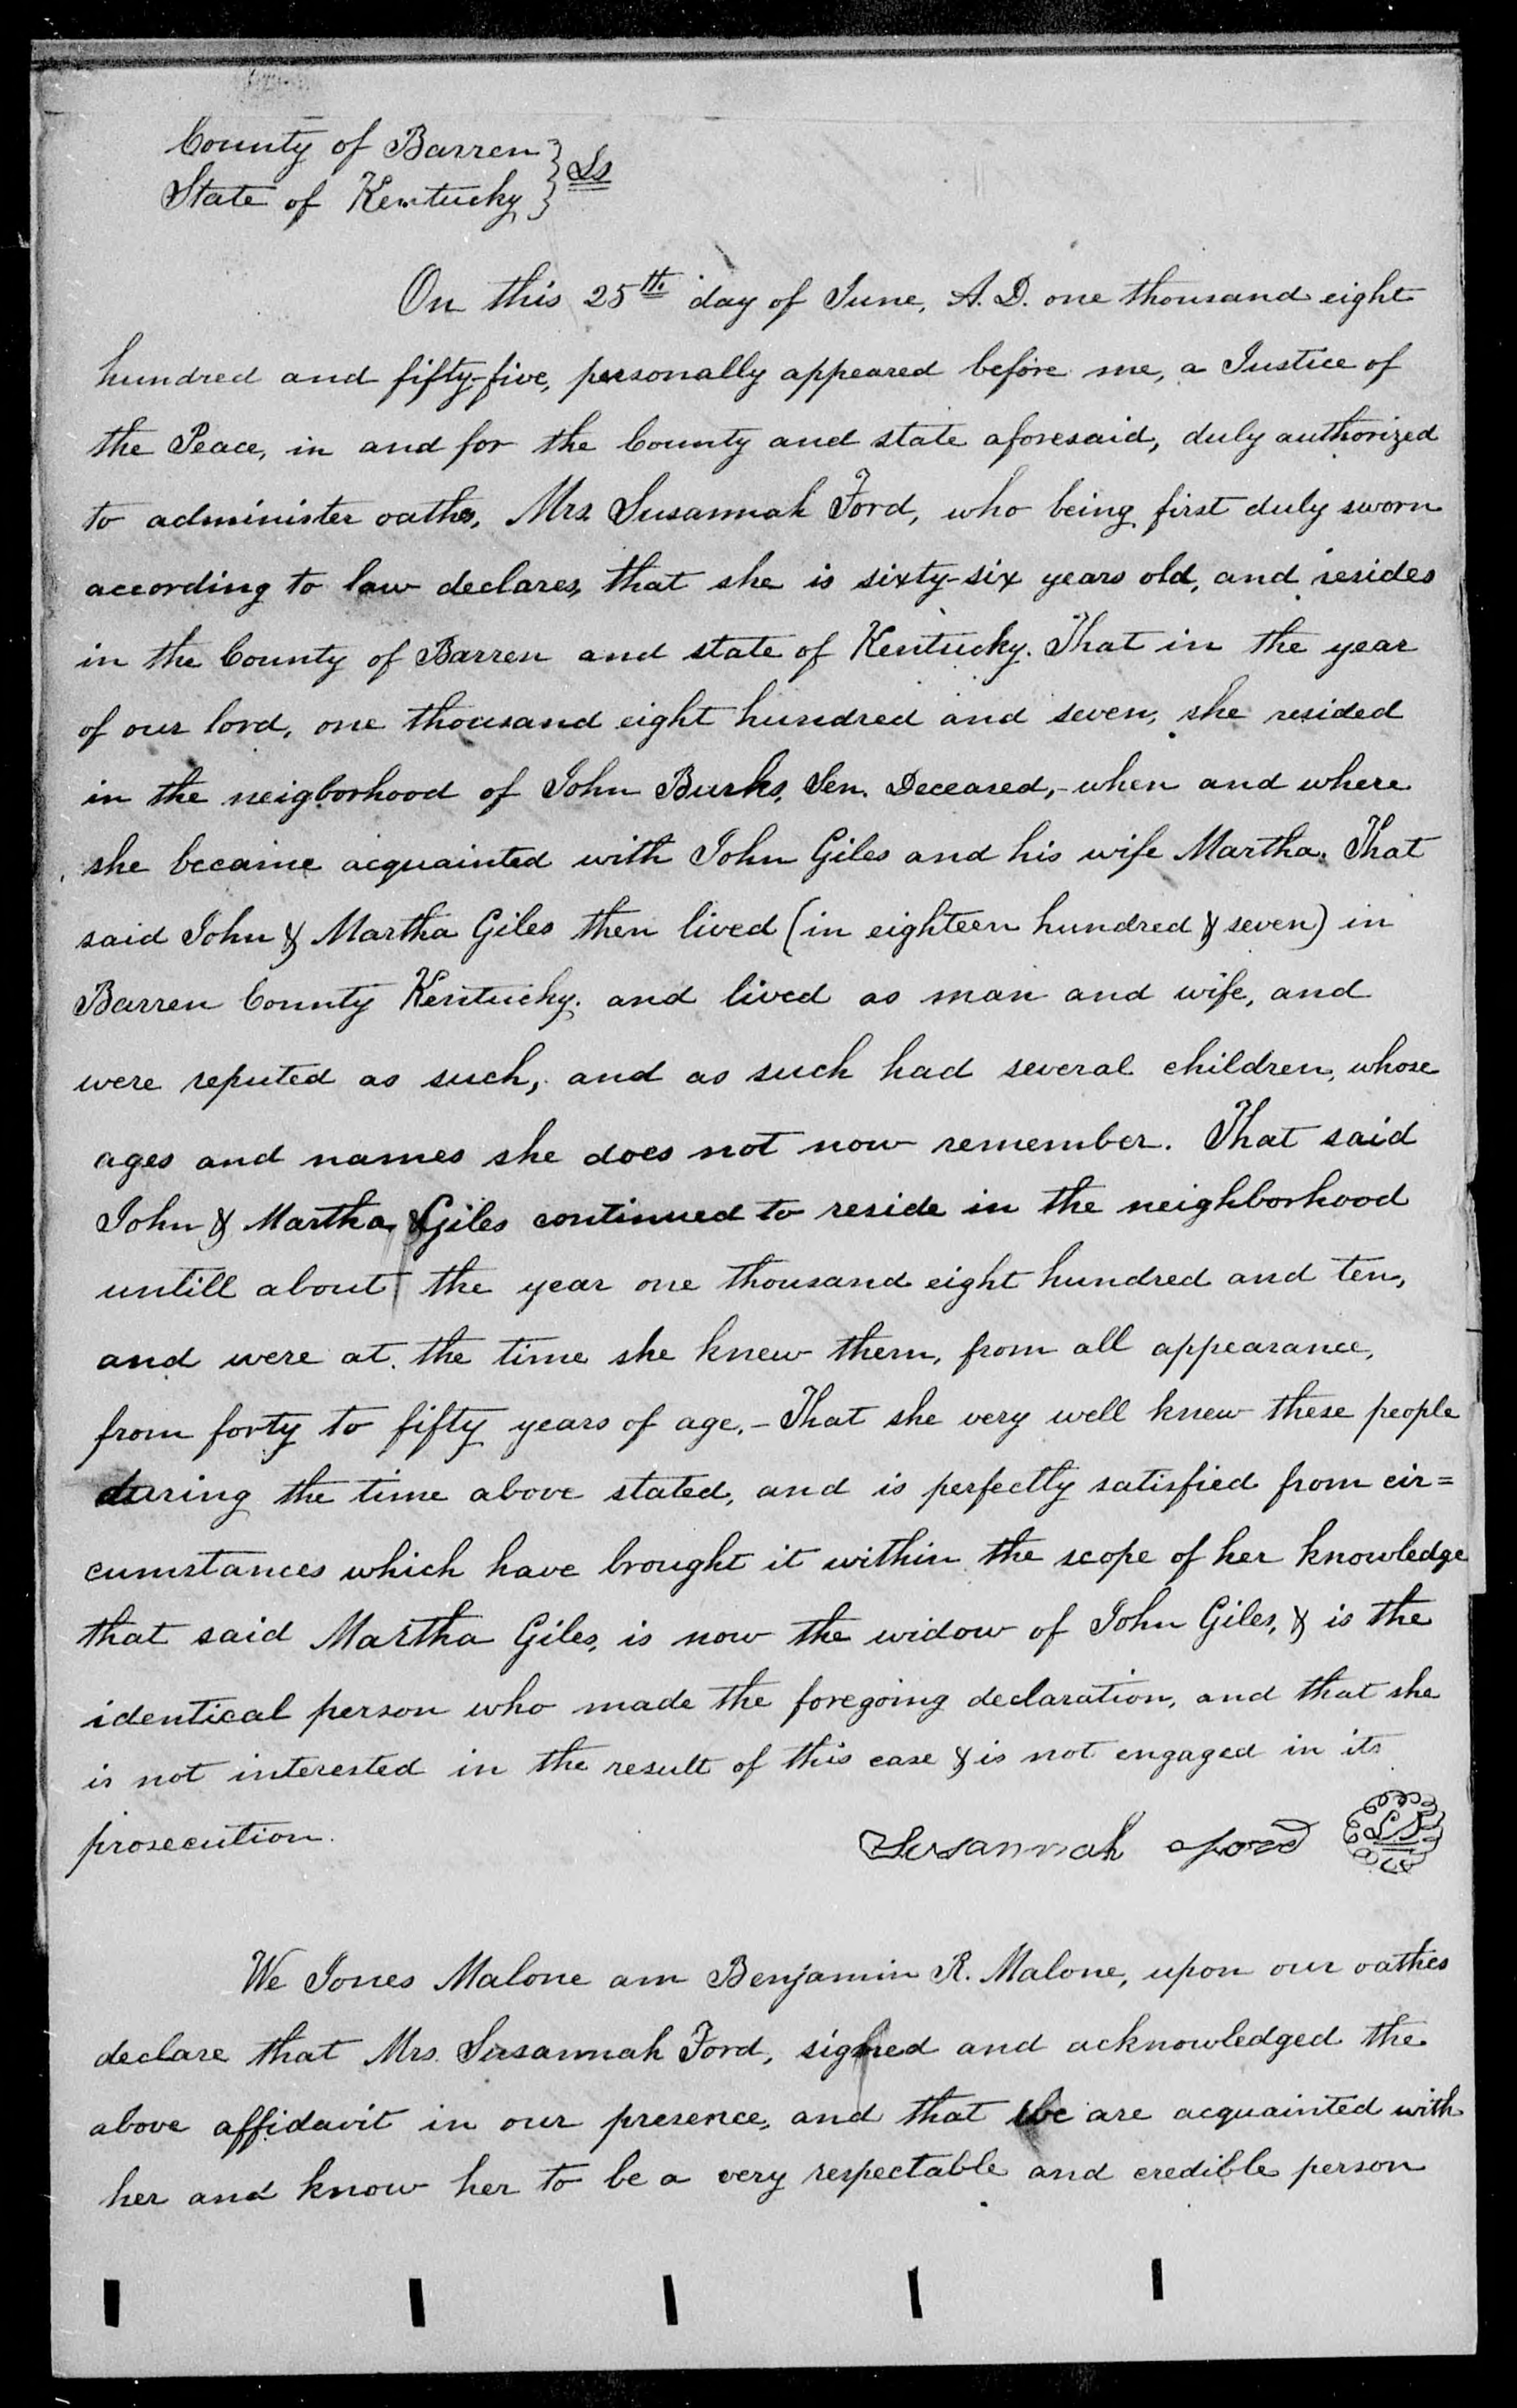County of Barren } Ss
State of Kentucky }

On this 25th day of June A.D. one thousand eight hundred and fifty-five personally appeared before me, a Justice of the Peace, in and for the County and State aforesaid, duly authorized to administer oaths, Mrs. Susannah Ford, who being first duly sworn according to law declarers that she is sixty-six years old, and resides in the County of Barren and State of Kentucky. that in the year of our Lord, one thousand eight-hundred and seven, she resided in the neighborhood of John Burks Sen, Deceased, when and where she became acquainted with John Giles and his wife Martha. That said John and Martha Giles then lived (in eighteen hundred and seven) in Barren County Kentucky and lived as man and wife, and were reputed as such, and as such had several children, whose ages and names she does not now remember. That said John and Martha Giles continued to reside in the neighborhood until about the year one thousand eight hundred and ten, and were at the time she knew them, from all appearance, from forty to fifty years of age. That she very well knew these people during the time above stated, and is perfectly satisfied from circumstances which have brought it within the scope of her knowledge that said Martha Giles, is now the widow of John Giles and is the identical person who made the foregoing declaration and that she is not interested in the result of this case and is not engaged in its prosecution.
Susannah Ford

We Jones Malone and Benjamin R. Malone, upon our oaths declare that Mrs. Susannah Ford, signed and acknowledged the above affidavit in our presence and that we are acquainted with her and know her to be a very respectable and credible person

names: John Giles, John Giles, Benjamin R Malone, Martha Giles, John Giles, Martha, John Burks, Susannah Ford, Martha Giles, Susannah Ford, John Giles, Martha Giles, Jones Malone, Susannah Ford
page: 36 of 82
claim: widow's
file: W. 7,522, John Giles, N.C.